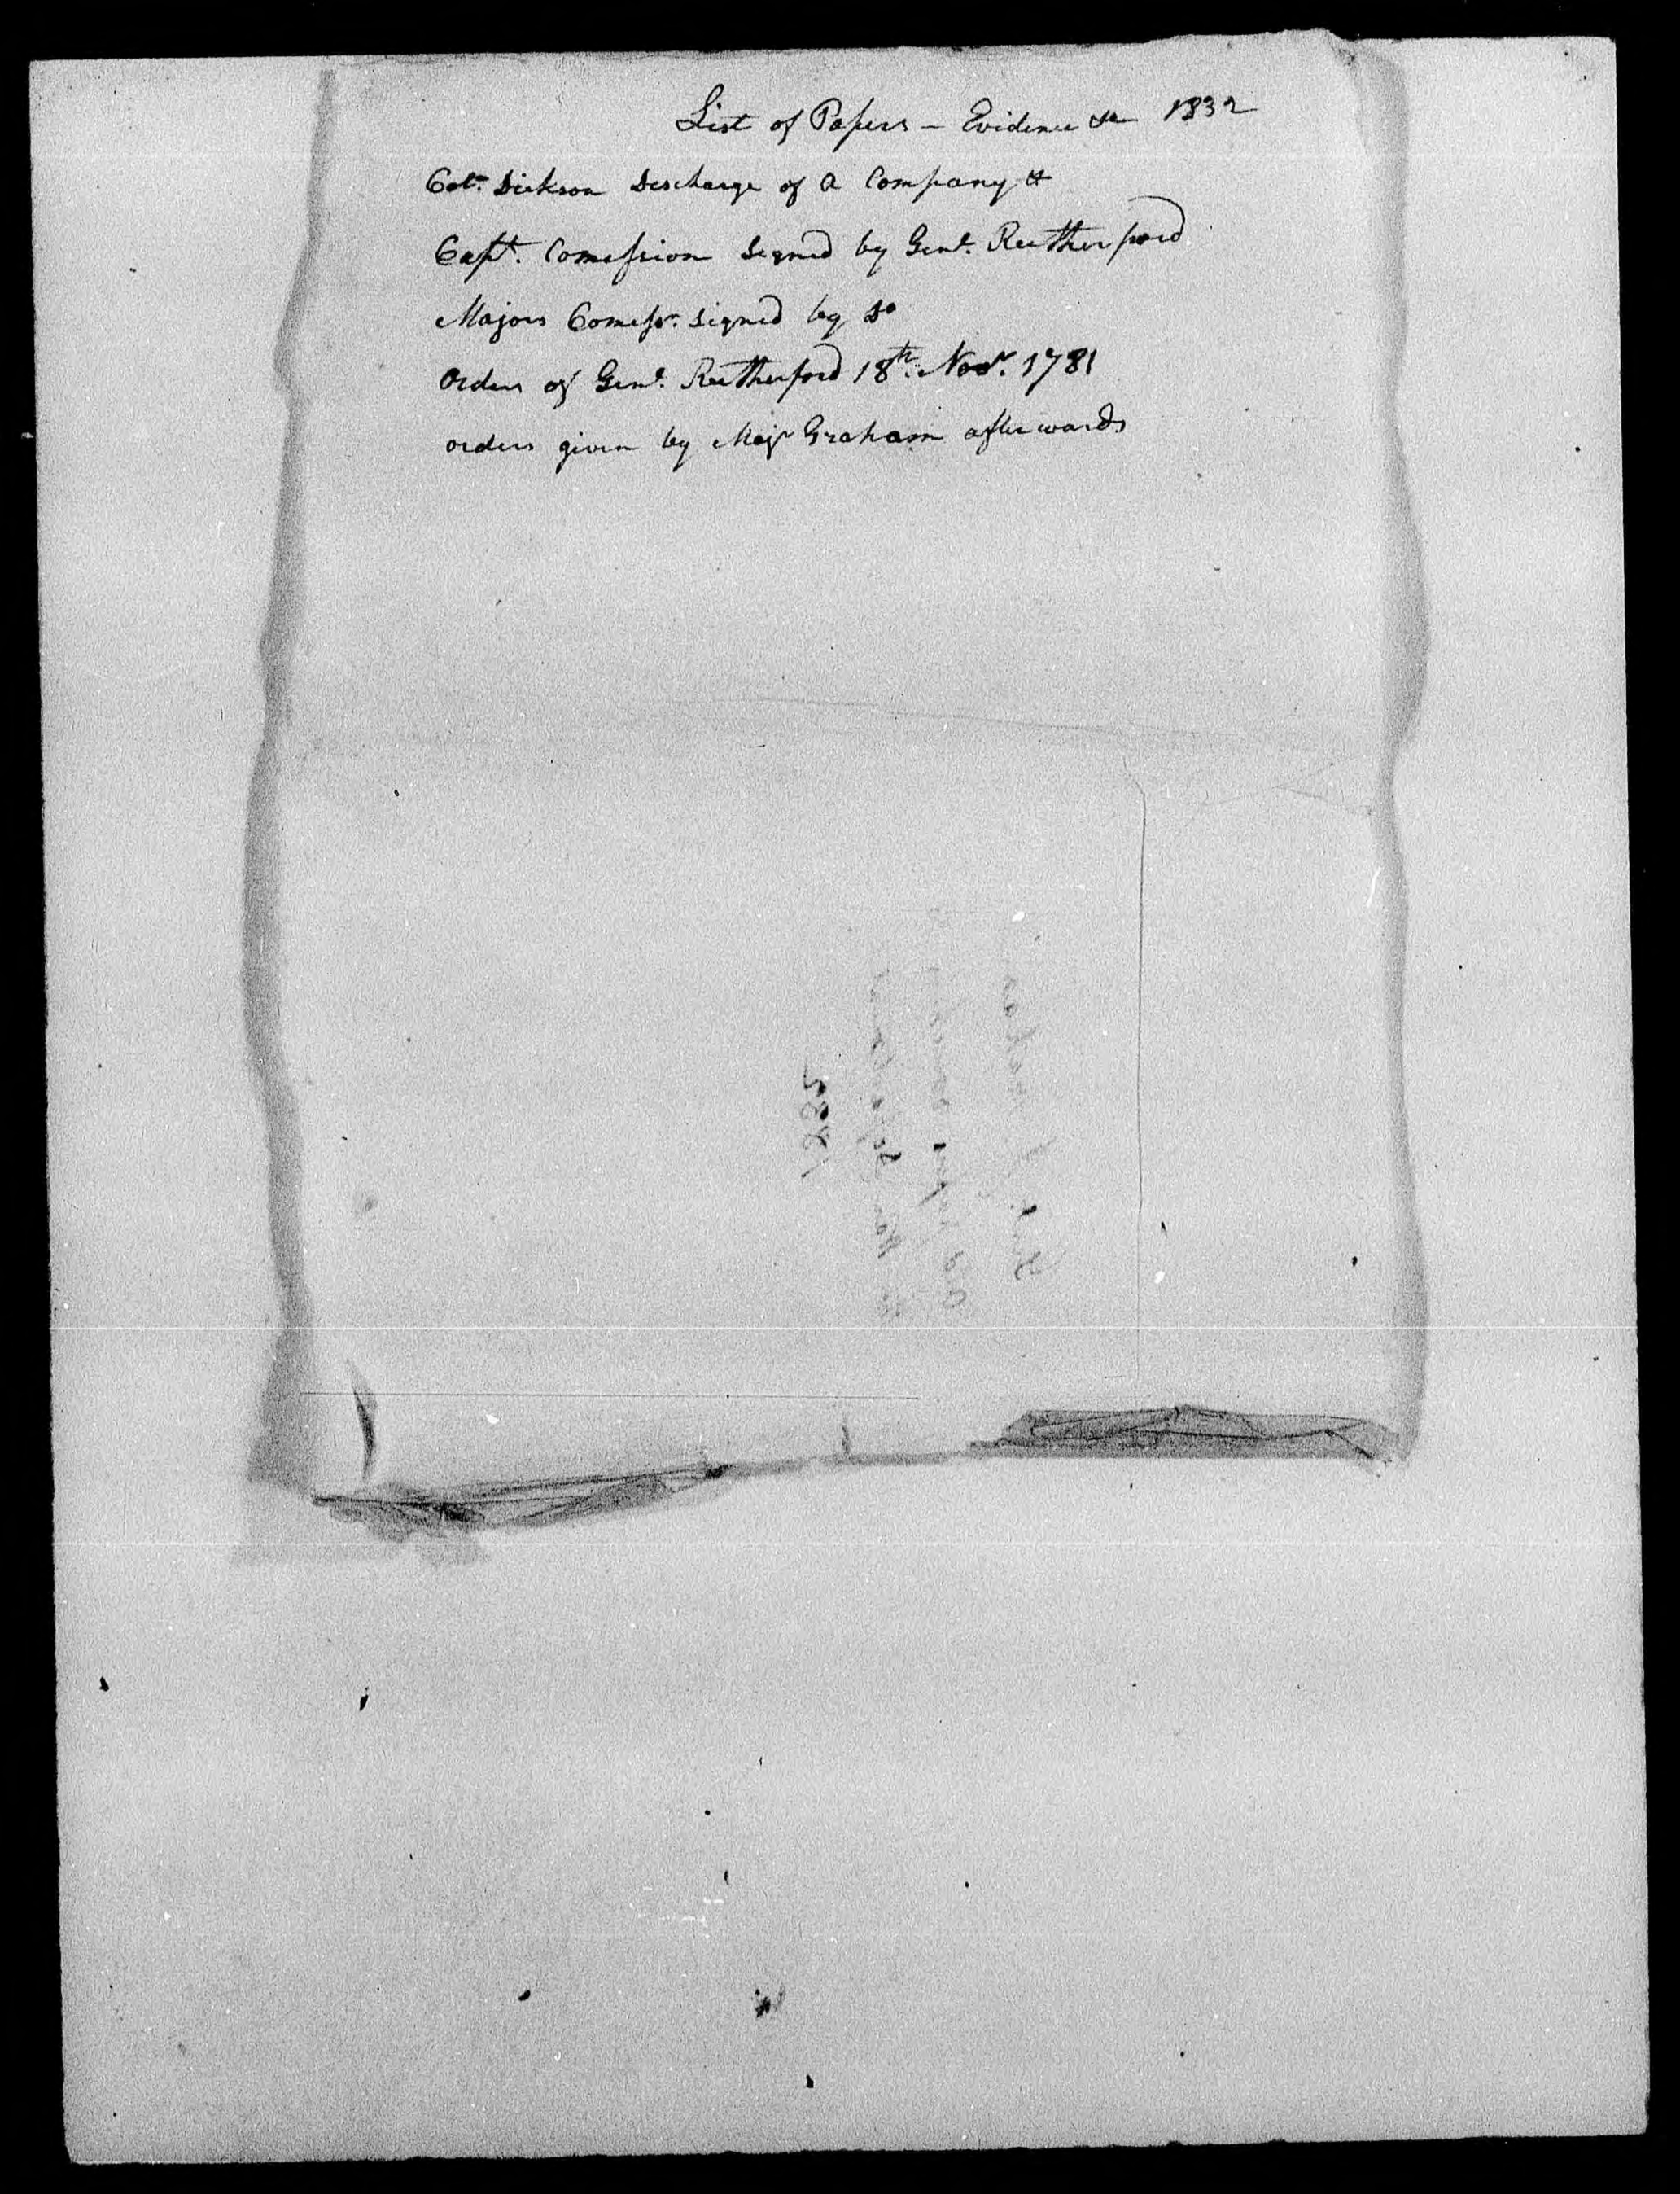List of Paper - Evidence &c 1832
Col. Dickson Discharge of a Company &c
Capt. Commission signed by Gen'l Rutherford
Majors Commission signed by [illegible]
Orders of Gen'l Rutherford 18th Nov. 1781
Orders given by Maj'r Graham afterwards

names: Dickson, Rutherford, Rutherford, Graham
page: 45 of 55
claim: survivor's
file: S. 6,937, Joseph Graham, N.C.